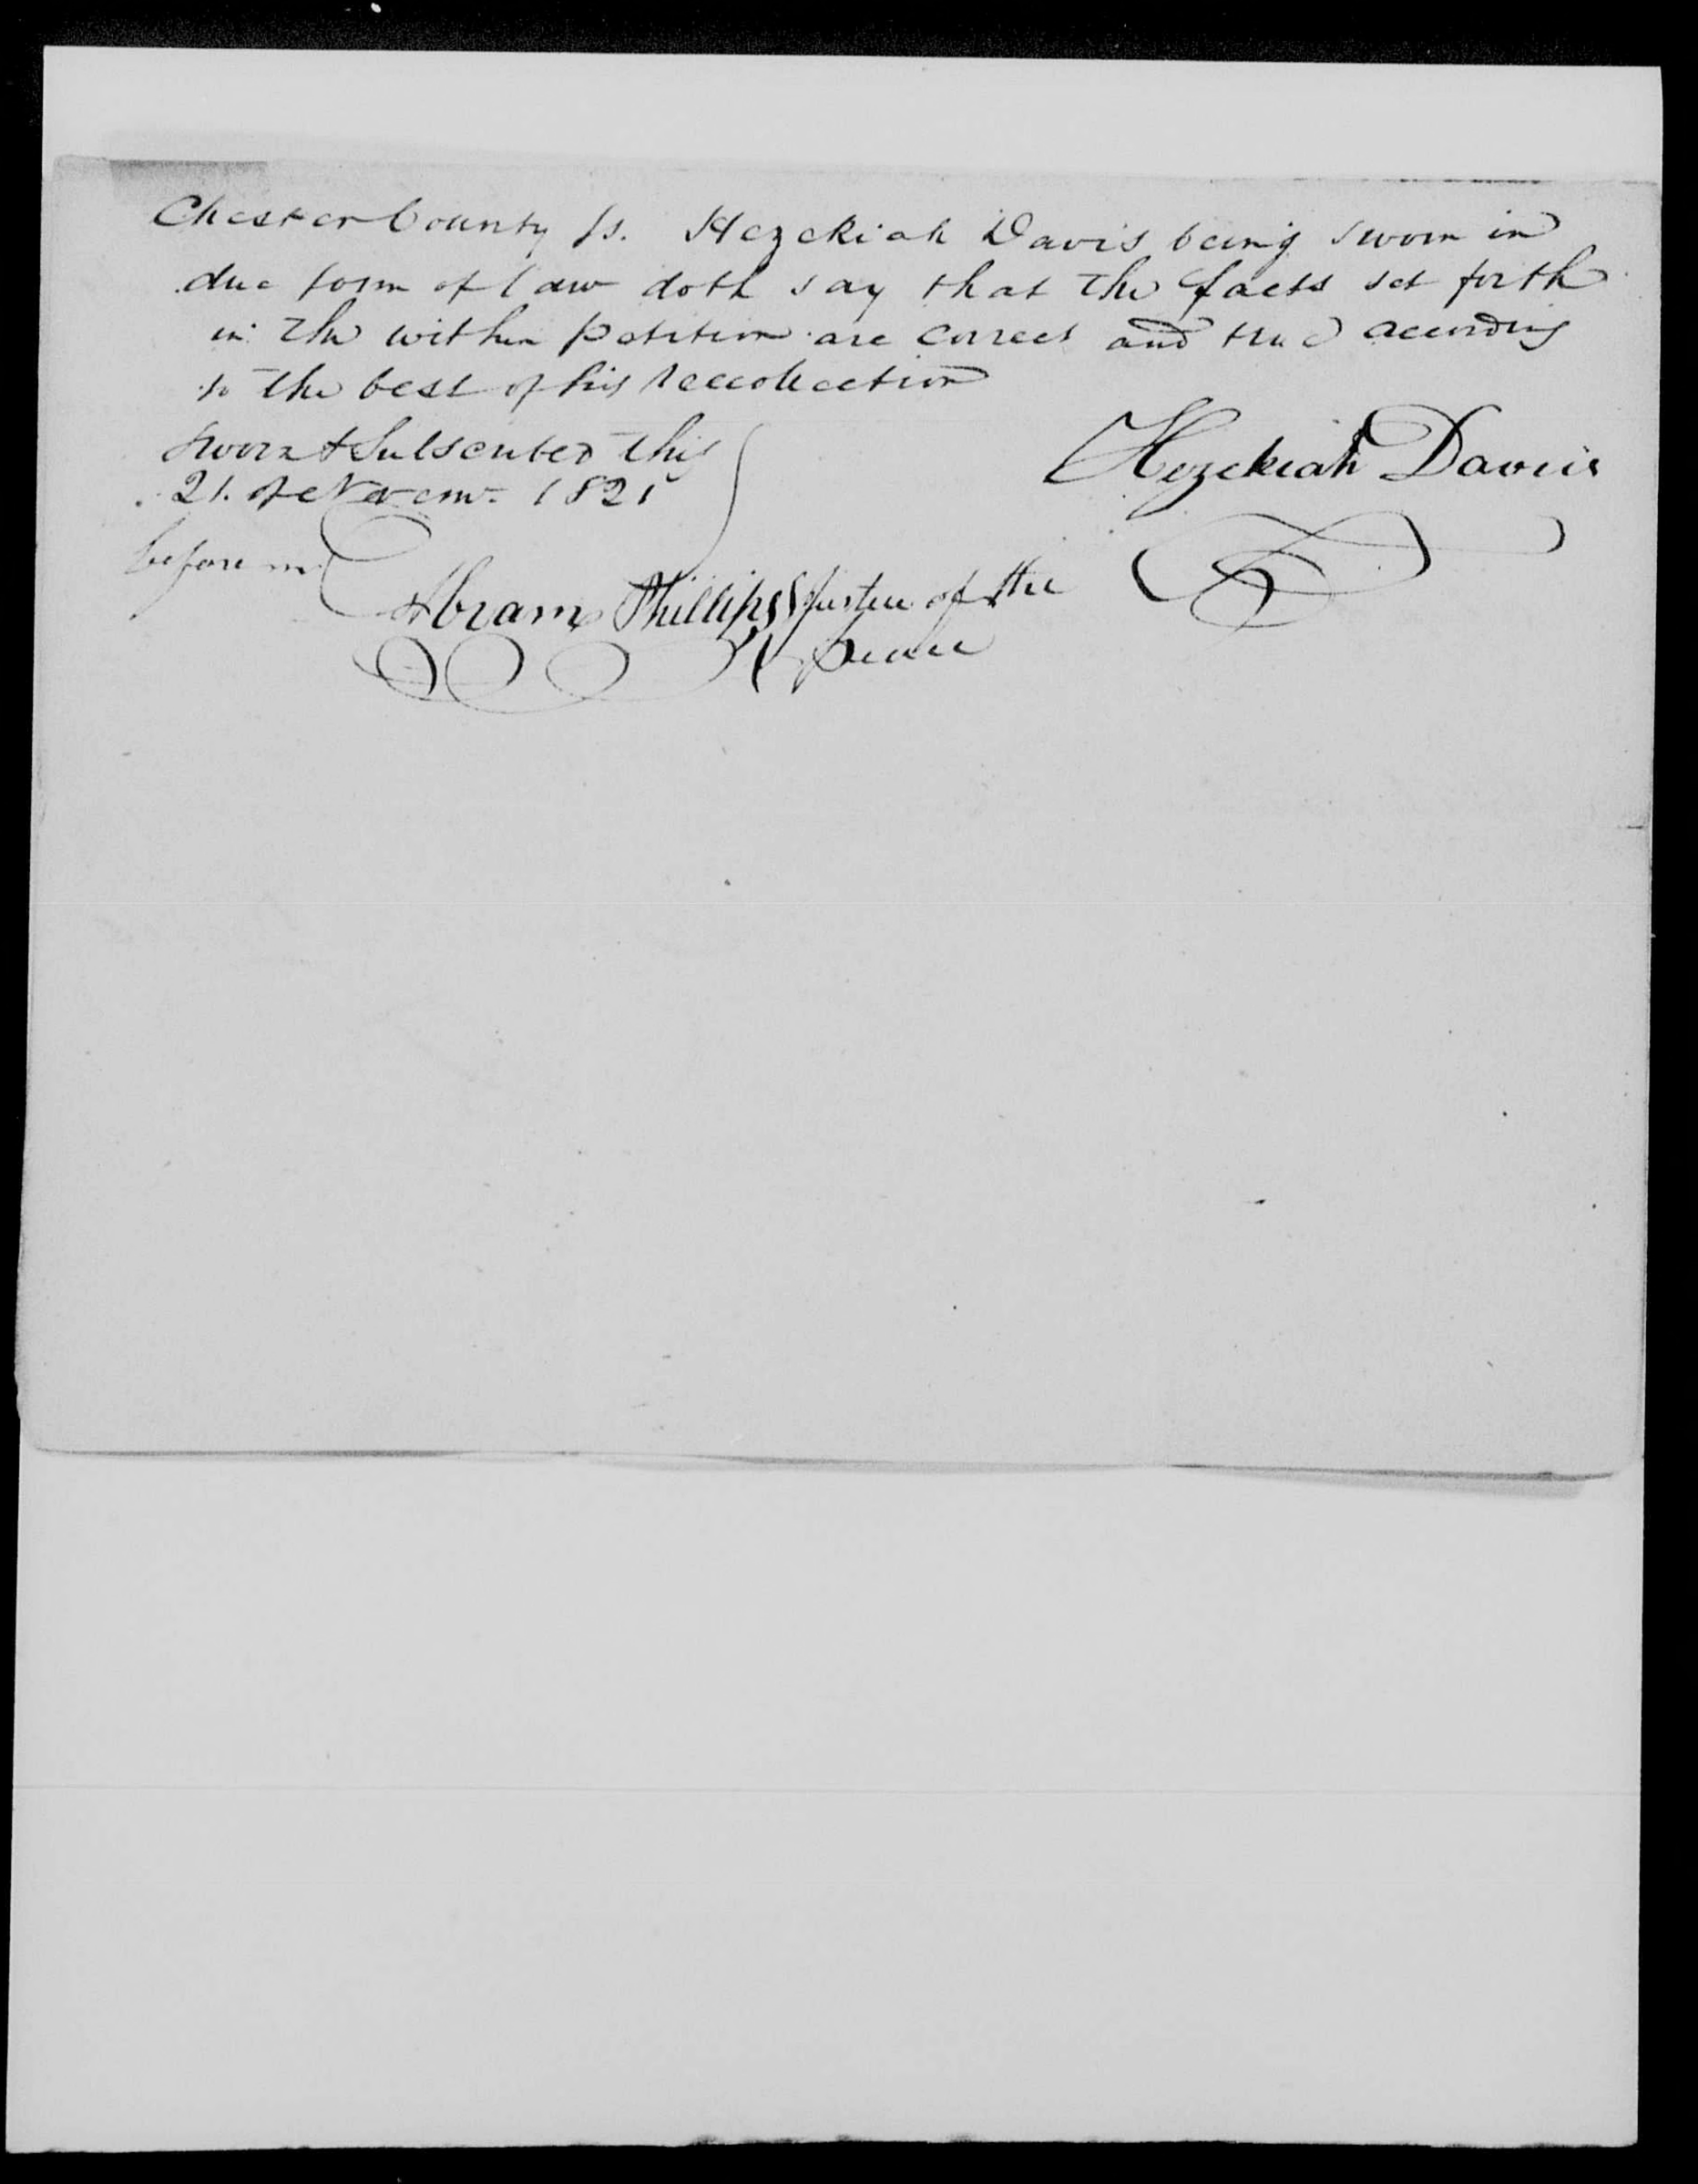Chester County ss. Hezekiah Davis being sworn in
due form of law doth say that the facts set forth
in the within petition are correct and true according to
the best of his recollection
Sworn & Subscribed this
21. of Novem 1821
before me
[signature] Abram Phillips Justice of the Peace
[signature] Hezekiah Davies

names: Abram Phillips, Hezekiah Davies, Hezekiah Davis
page: 50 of 57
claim: survivor's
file: S. 2161, Hezekiah Davies, Penn